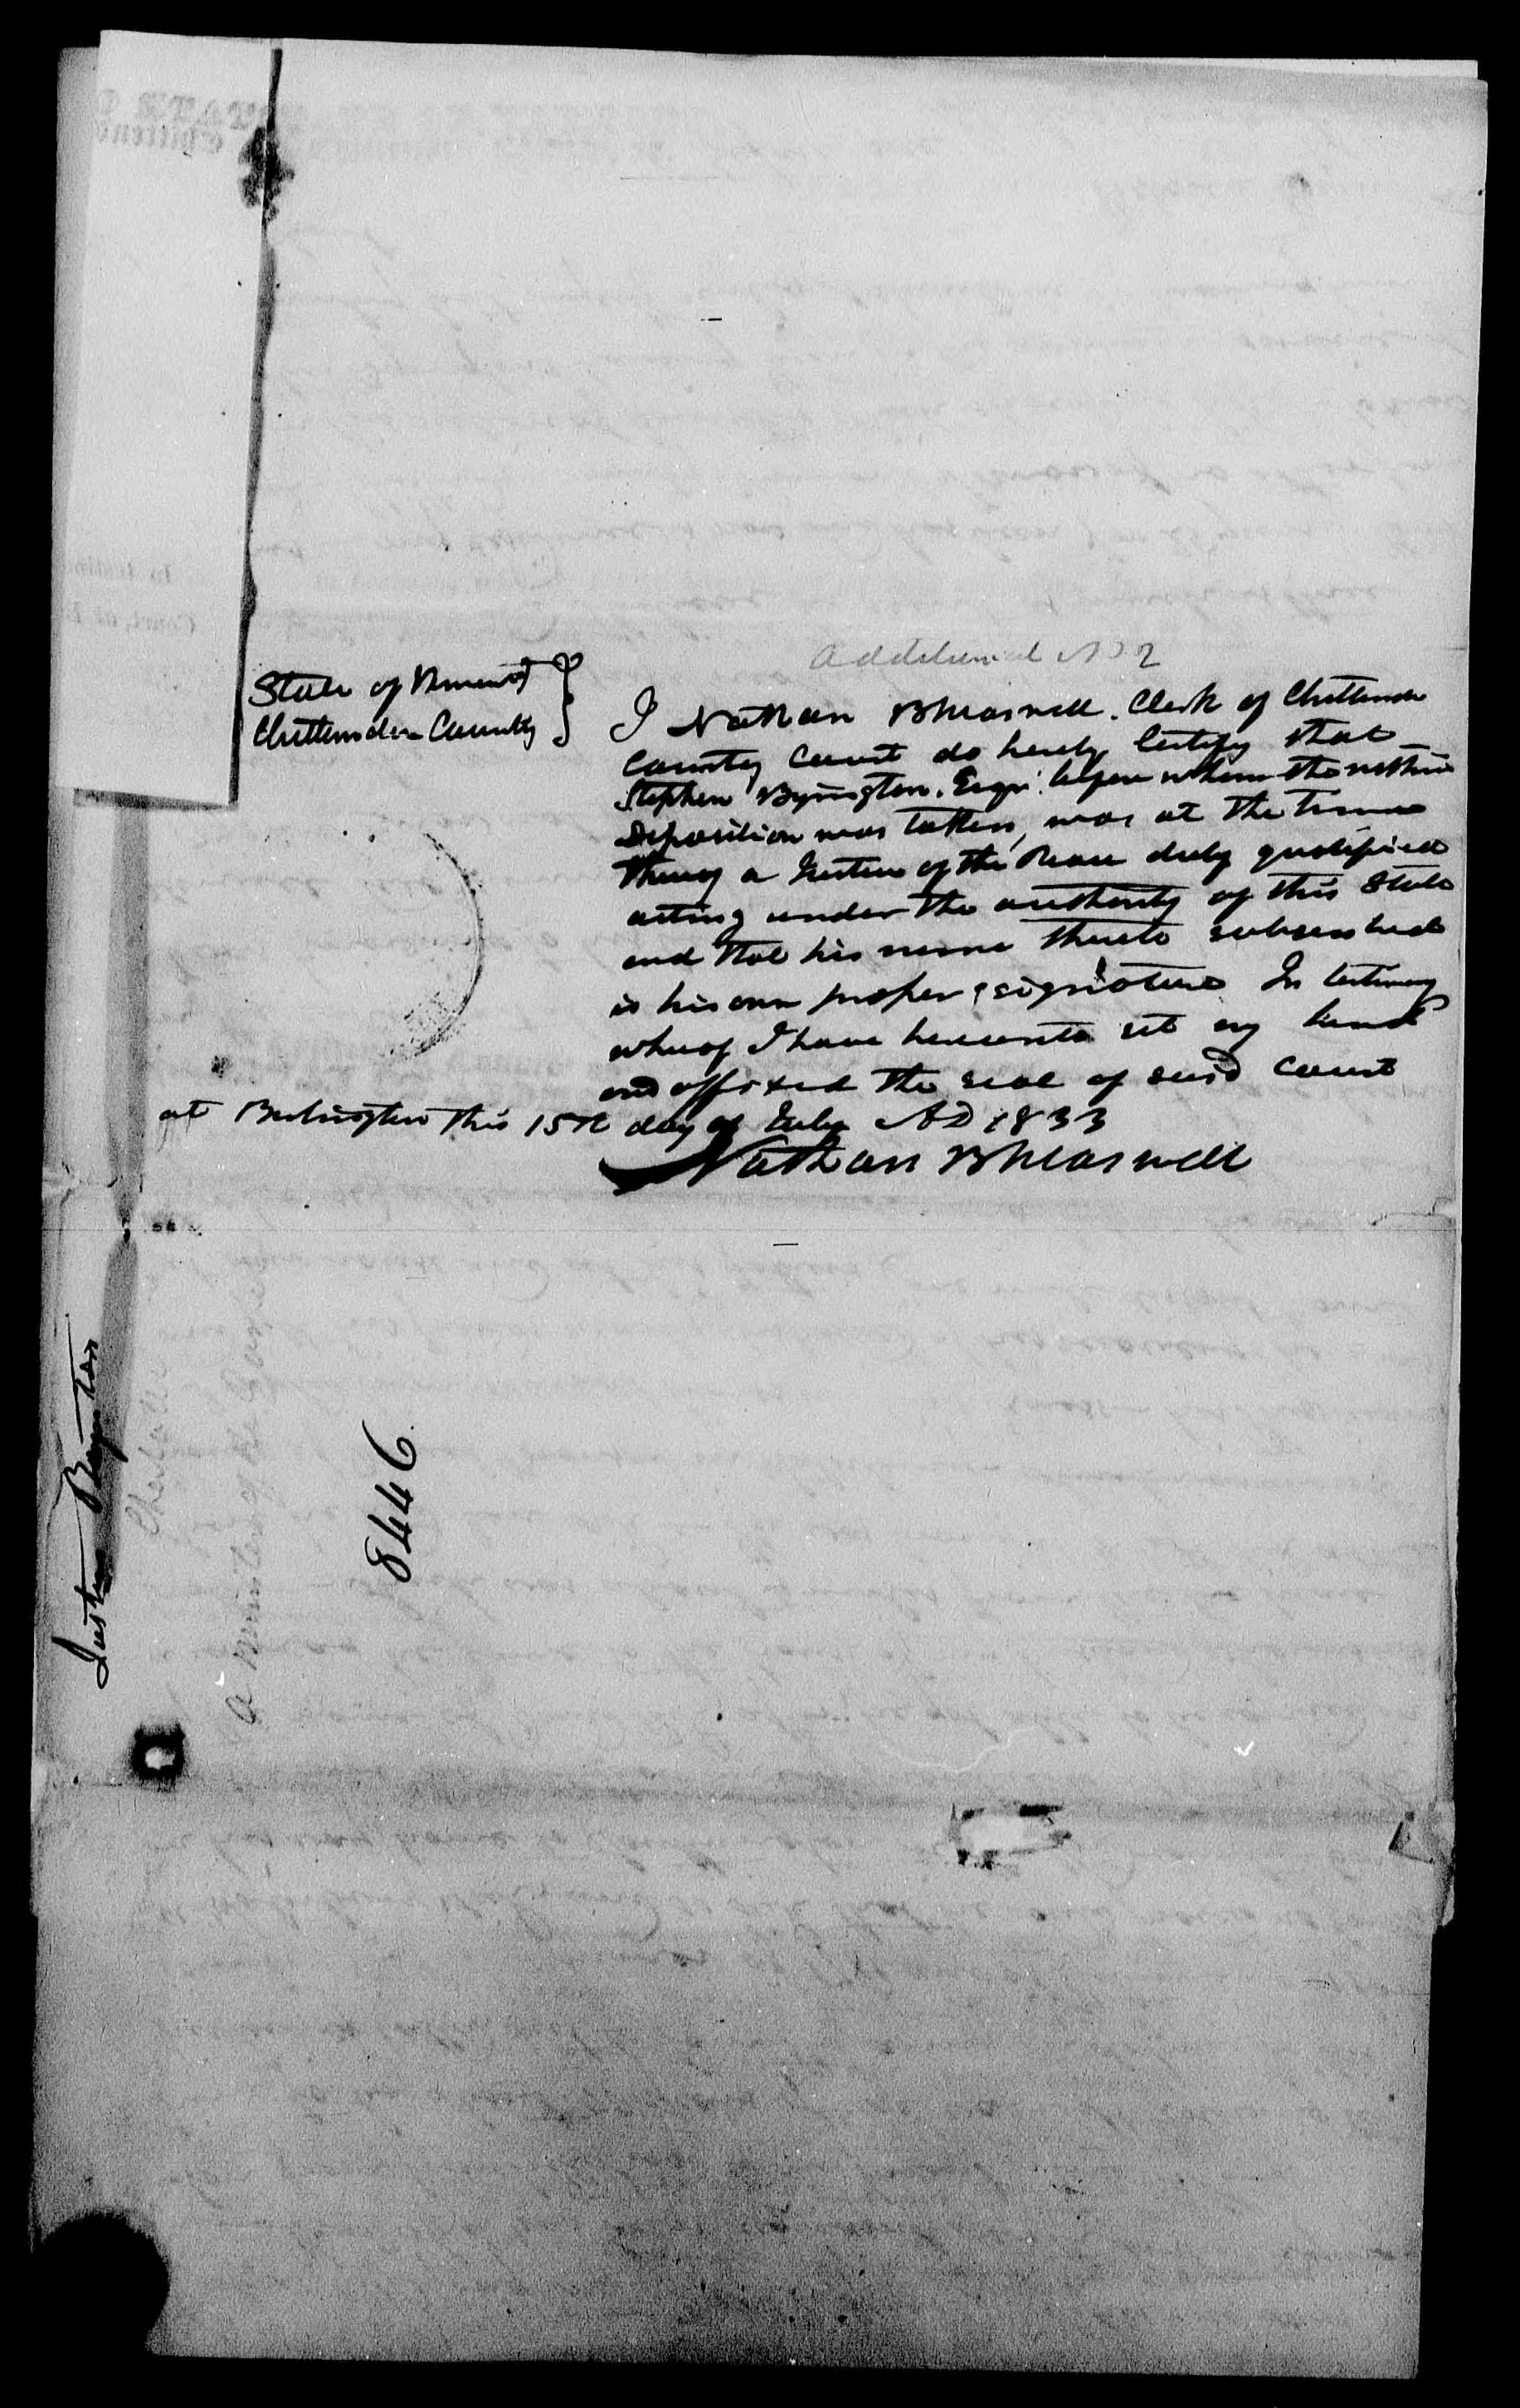State of Vermont}
Chittenden County}

I Nathan B Maswell Clerk of Chittenden County Court do hereby certify that Stephen Byington, Esq. Upon whom the following deposition was taken, was at the (illegible) a Justice of the Peace duly qualified acting under the authority of this State and that his name hereto subscribed is his own proper signature In testiomny whereof I have hereunto put my hand and affixed the seal of said court at Burlington this 15th day of July AD 1833
Nathan B Maswell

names: Nathan B Maswell, Nathan B Maswell, Stephen Byington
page: 56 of 79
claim: widow's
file: W. 23754, Justus Byington, Conn.